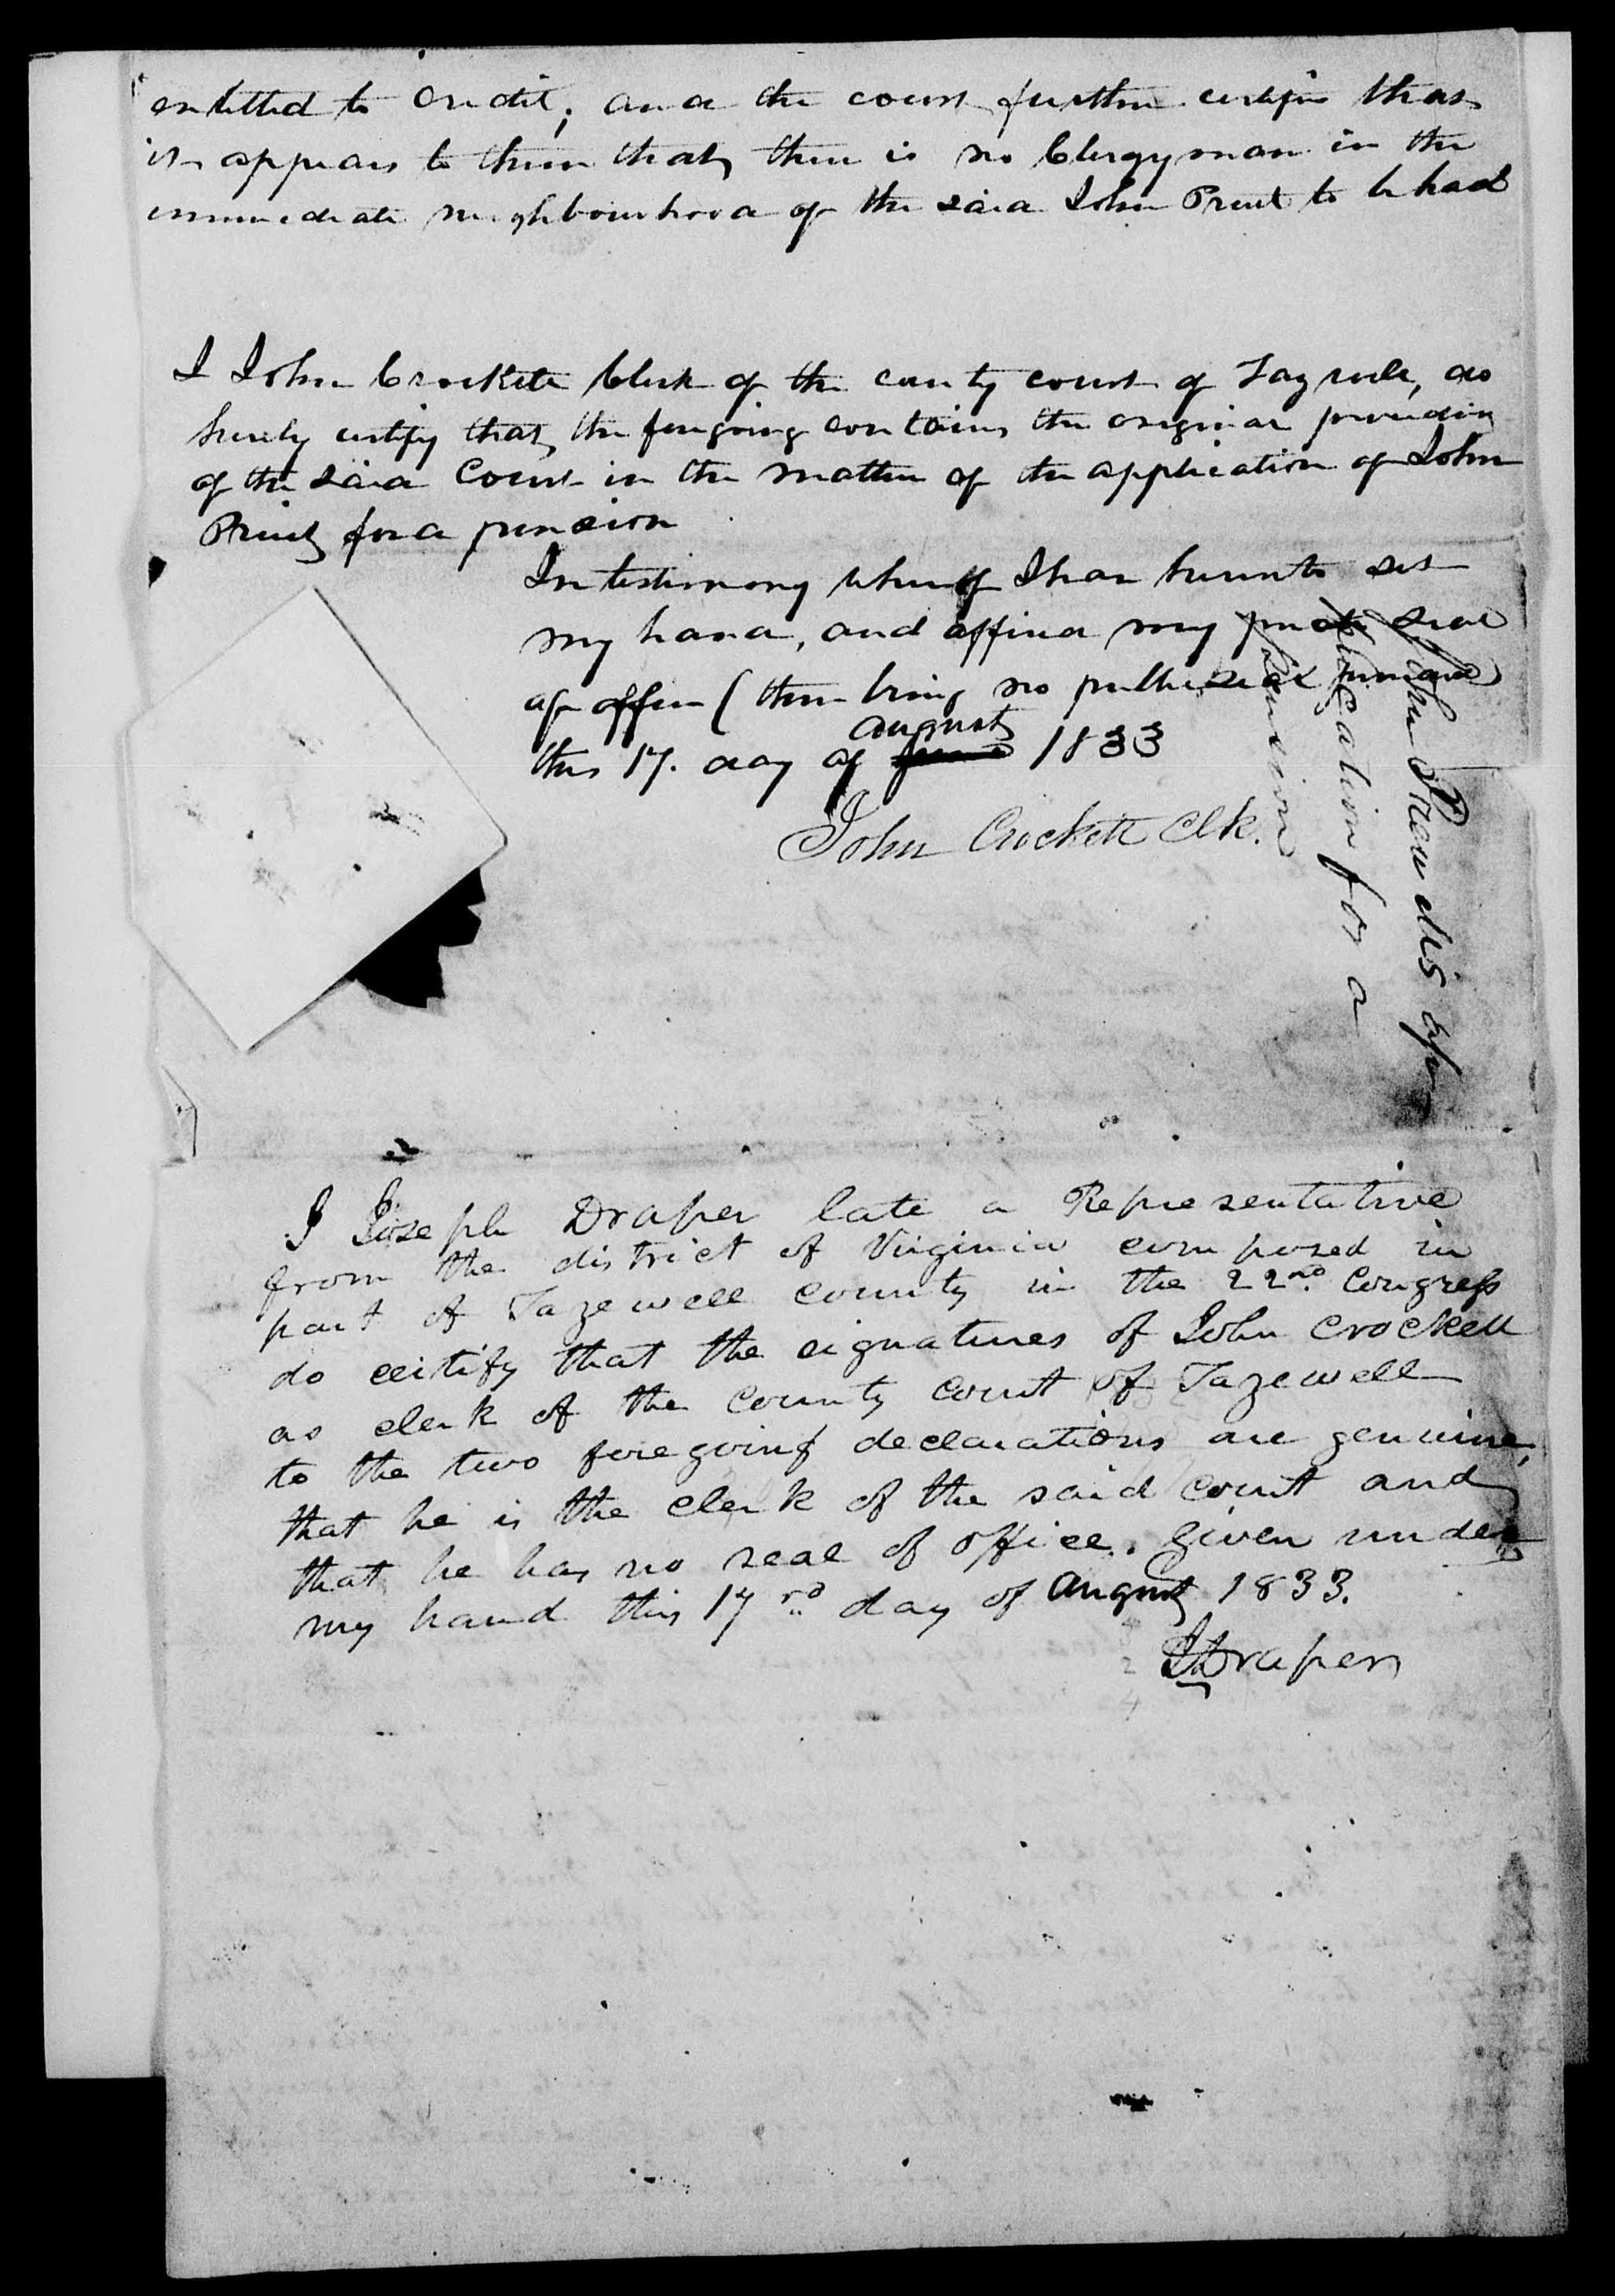entitled to credit; and the court further certifies that it appears to them that there is no Clergyman in the immediate neighborhood of the said John Pruitt to be had

I John Crockett Clerk of the county court of Tazewell, do hereby certify that the foregoing contains the original proceedings of the said Court in the matter of the application of John Pruitt for a pension
In testimony whereof I have hereunto set my hand, and affixed my private seal of office (there being no public seal produced) this 17. day of August 1833
John Crockett Clk.

John Prewett's application for a pension

I Joseph Draper late a Representative from the district of Virginia composed in part of Tazewell County in the 22nd. Congress do certify that the signatures of John Crockett as clerk of the County Court of Tazewell to the two foregoing declarations are genuine, that he is the clerk of the said Court and that he has no seal of office. Given under my hand this 17th day of August 1833.
J Draper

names: John Pruit; John Pruet; Joseph Draper; John Prewett; John Crockett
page: 10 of 35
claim: survivor's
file: S. 30,665, for John Prewett, Virginia